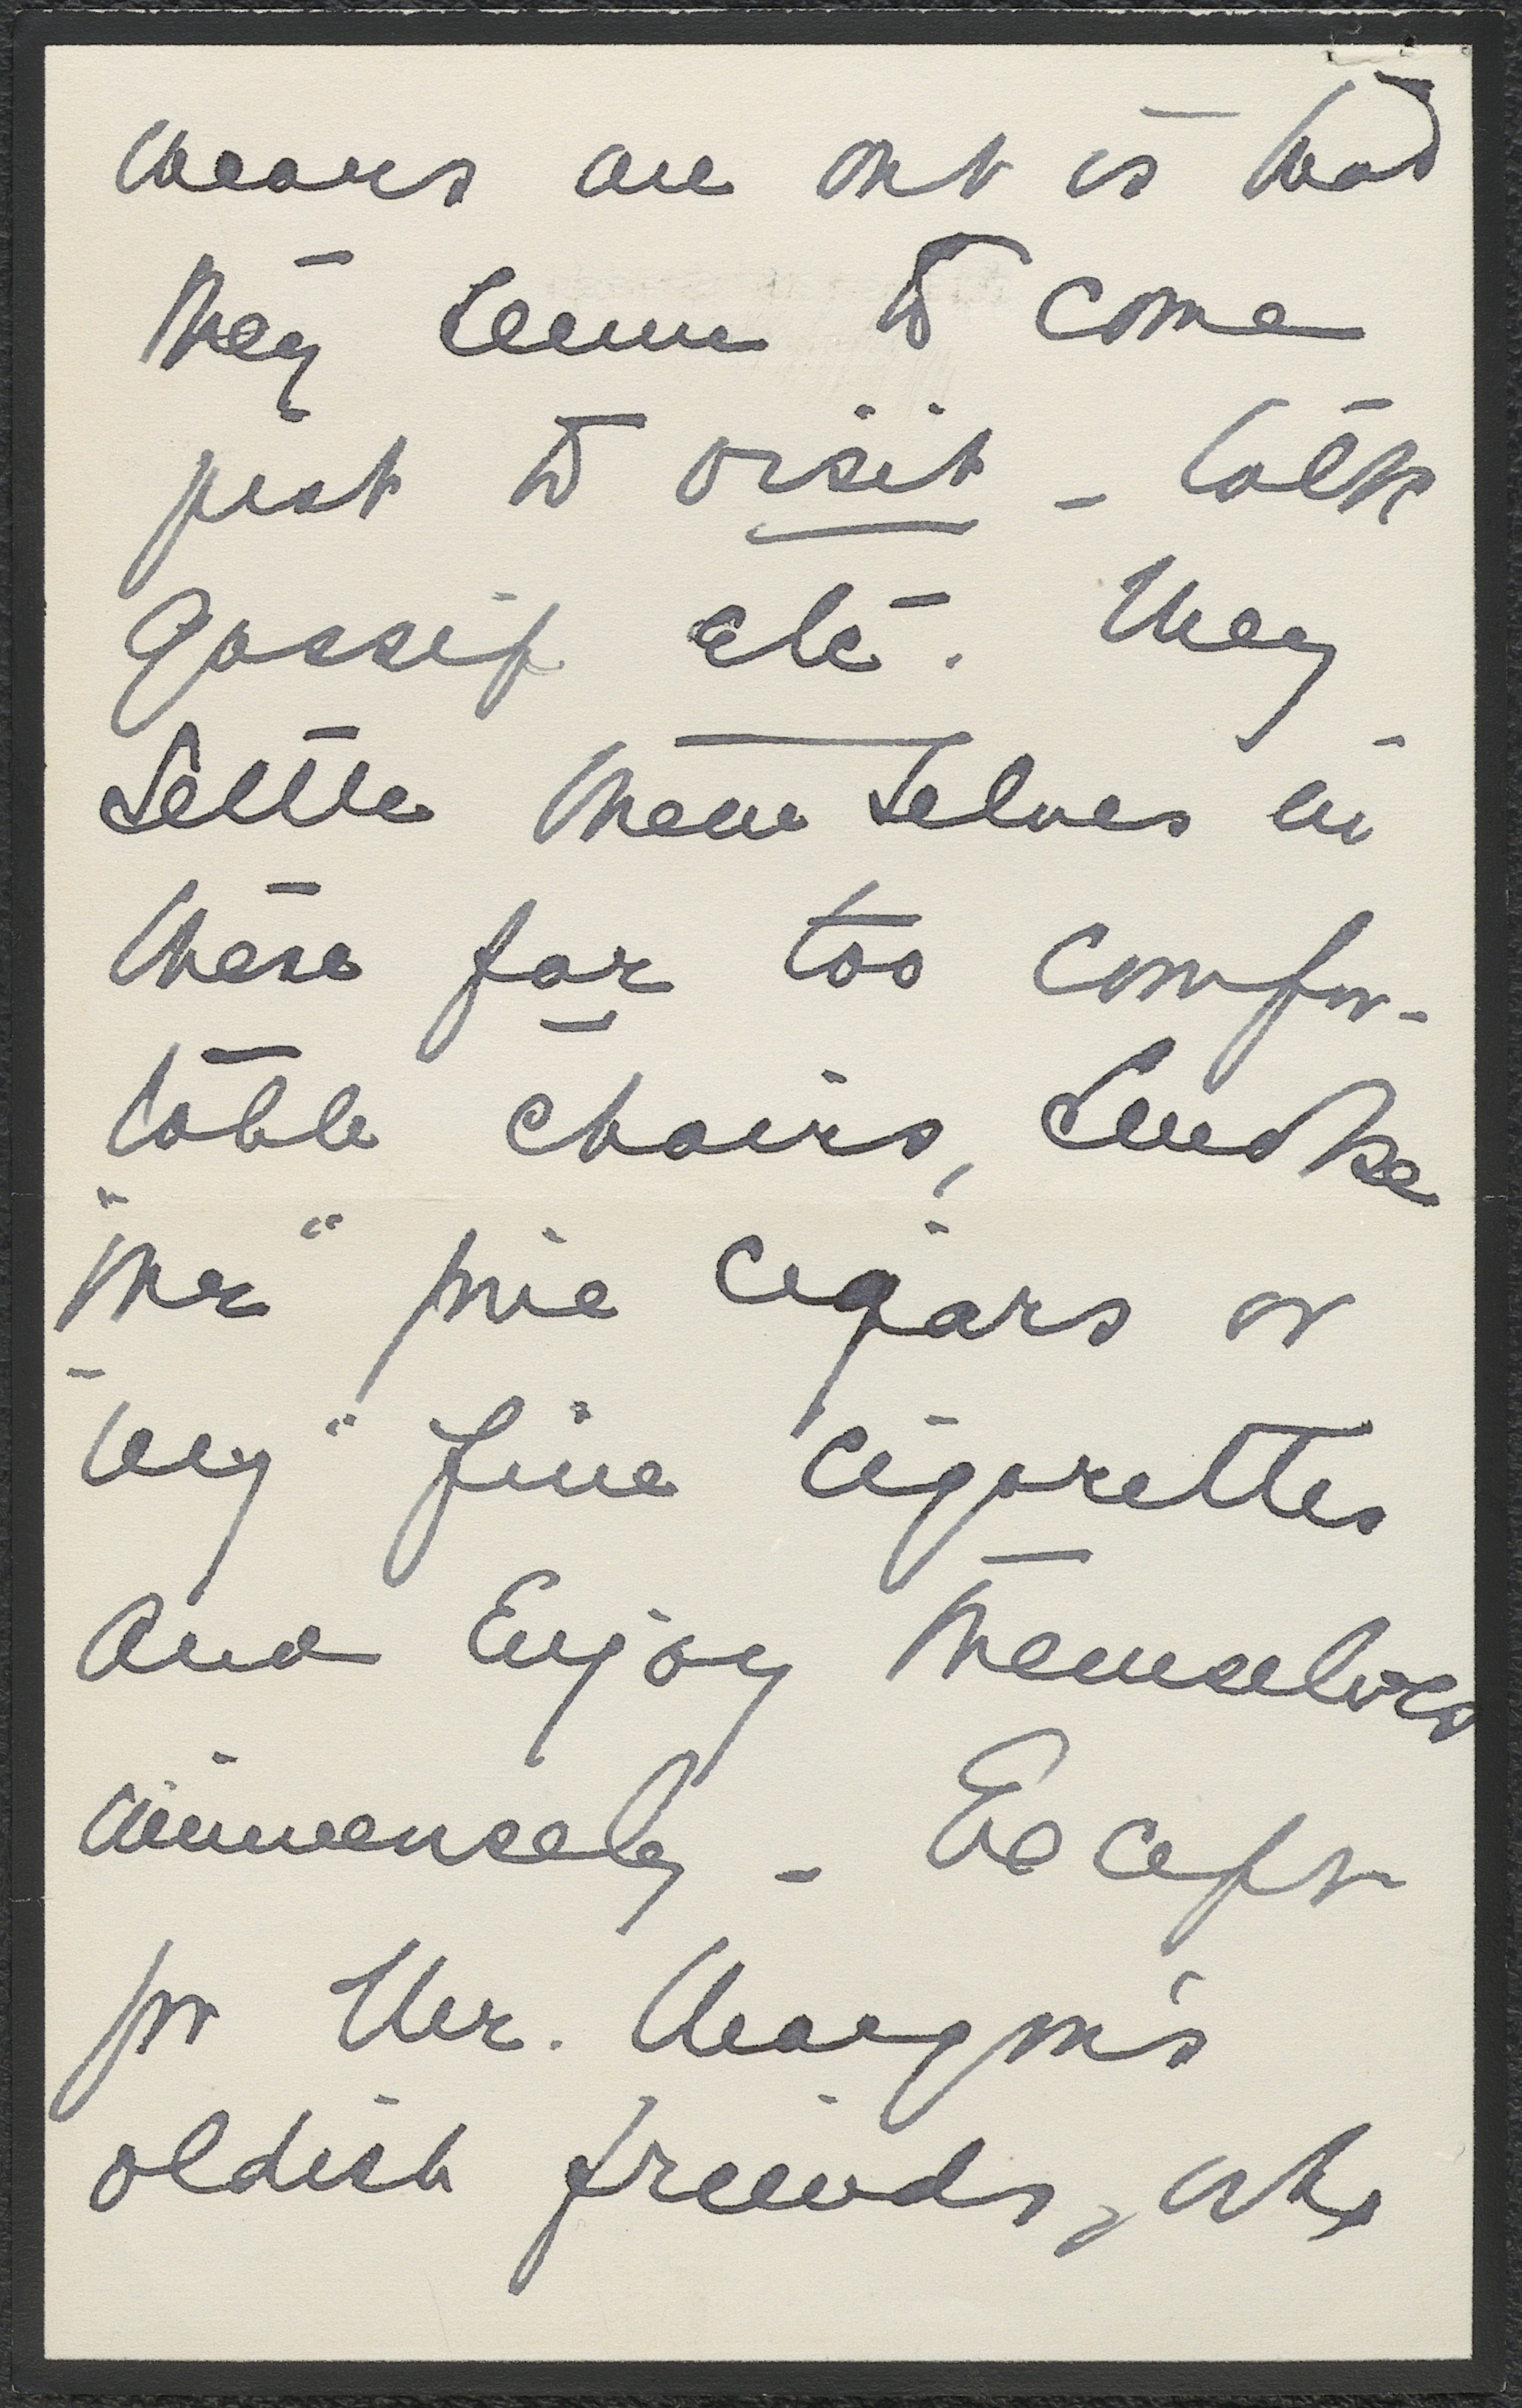wears me out is that they seem to come just to visit – talk gossip etc. They settle them selves in these far too comfortable chairs, smoke “our” fine cigars or “my” fine cigarettes and enjoy themselves immensely – Except for Mr. Morgan’s oldish friends, who